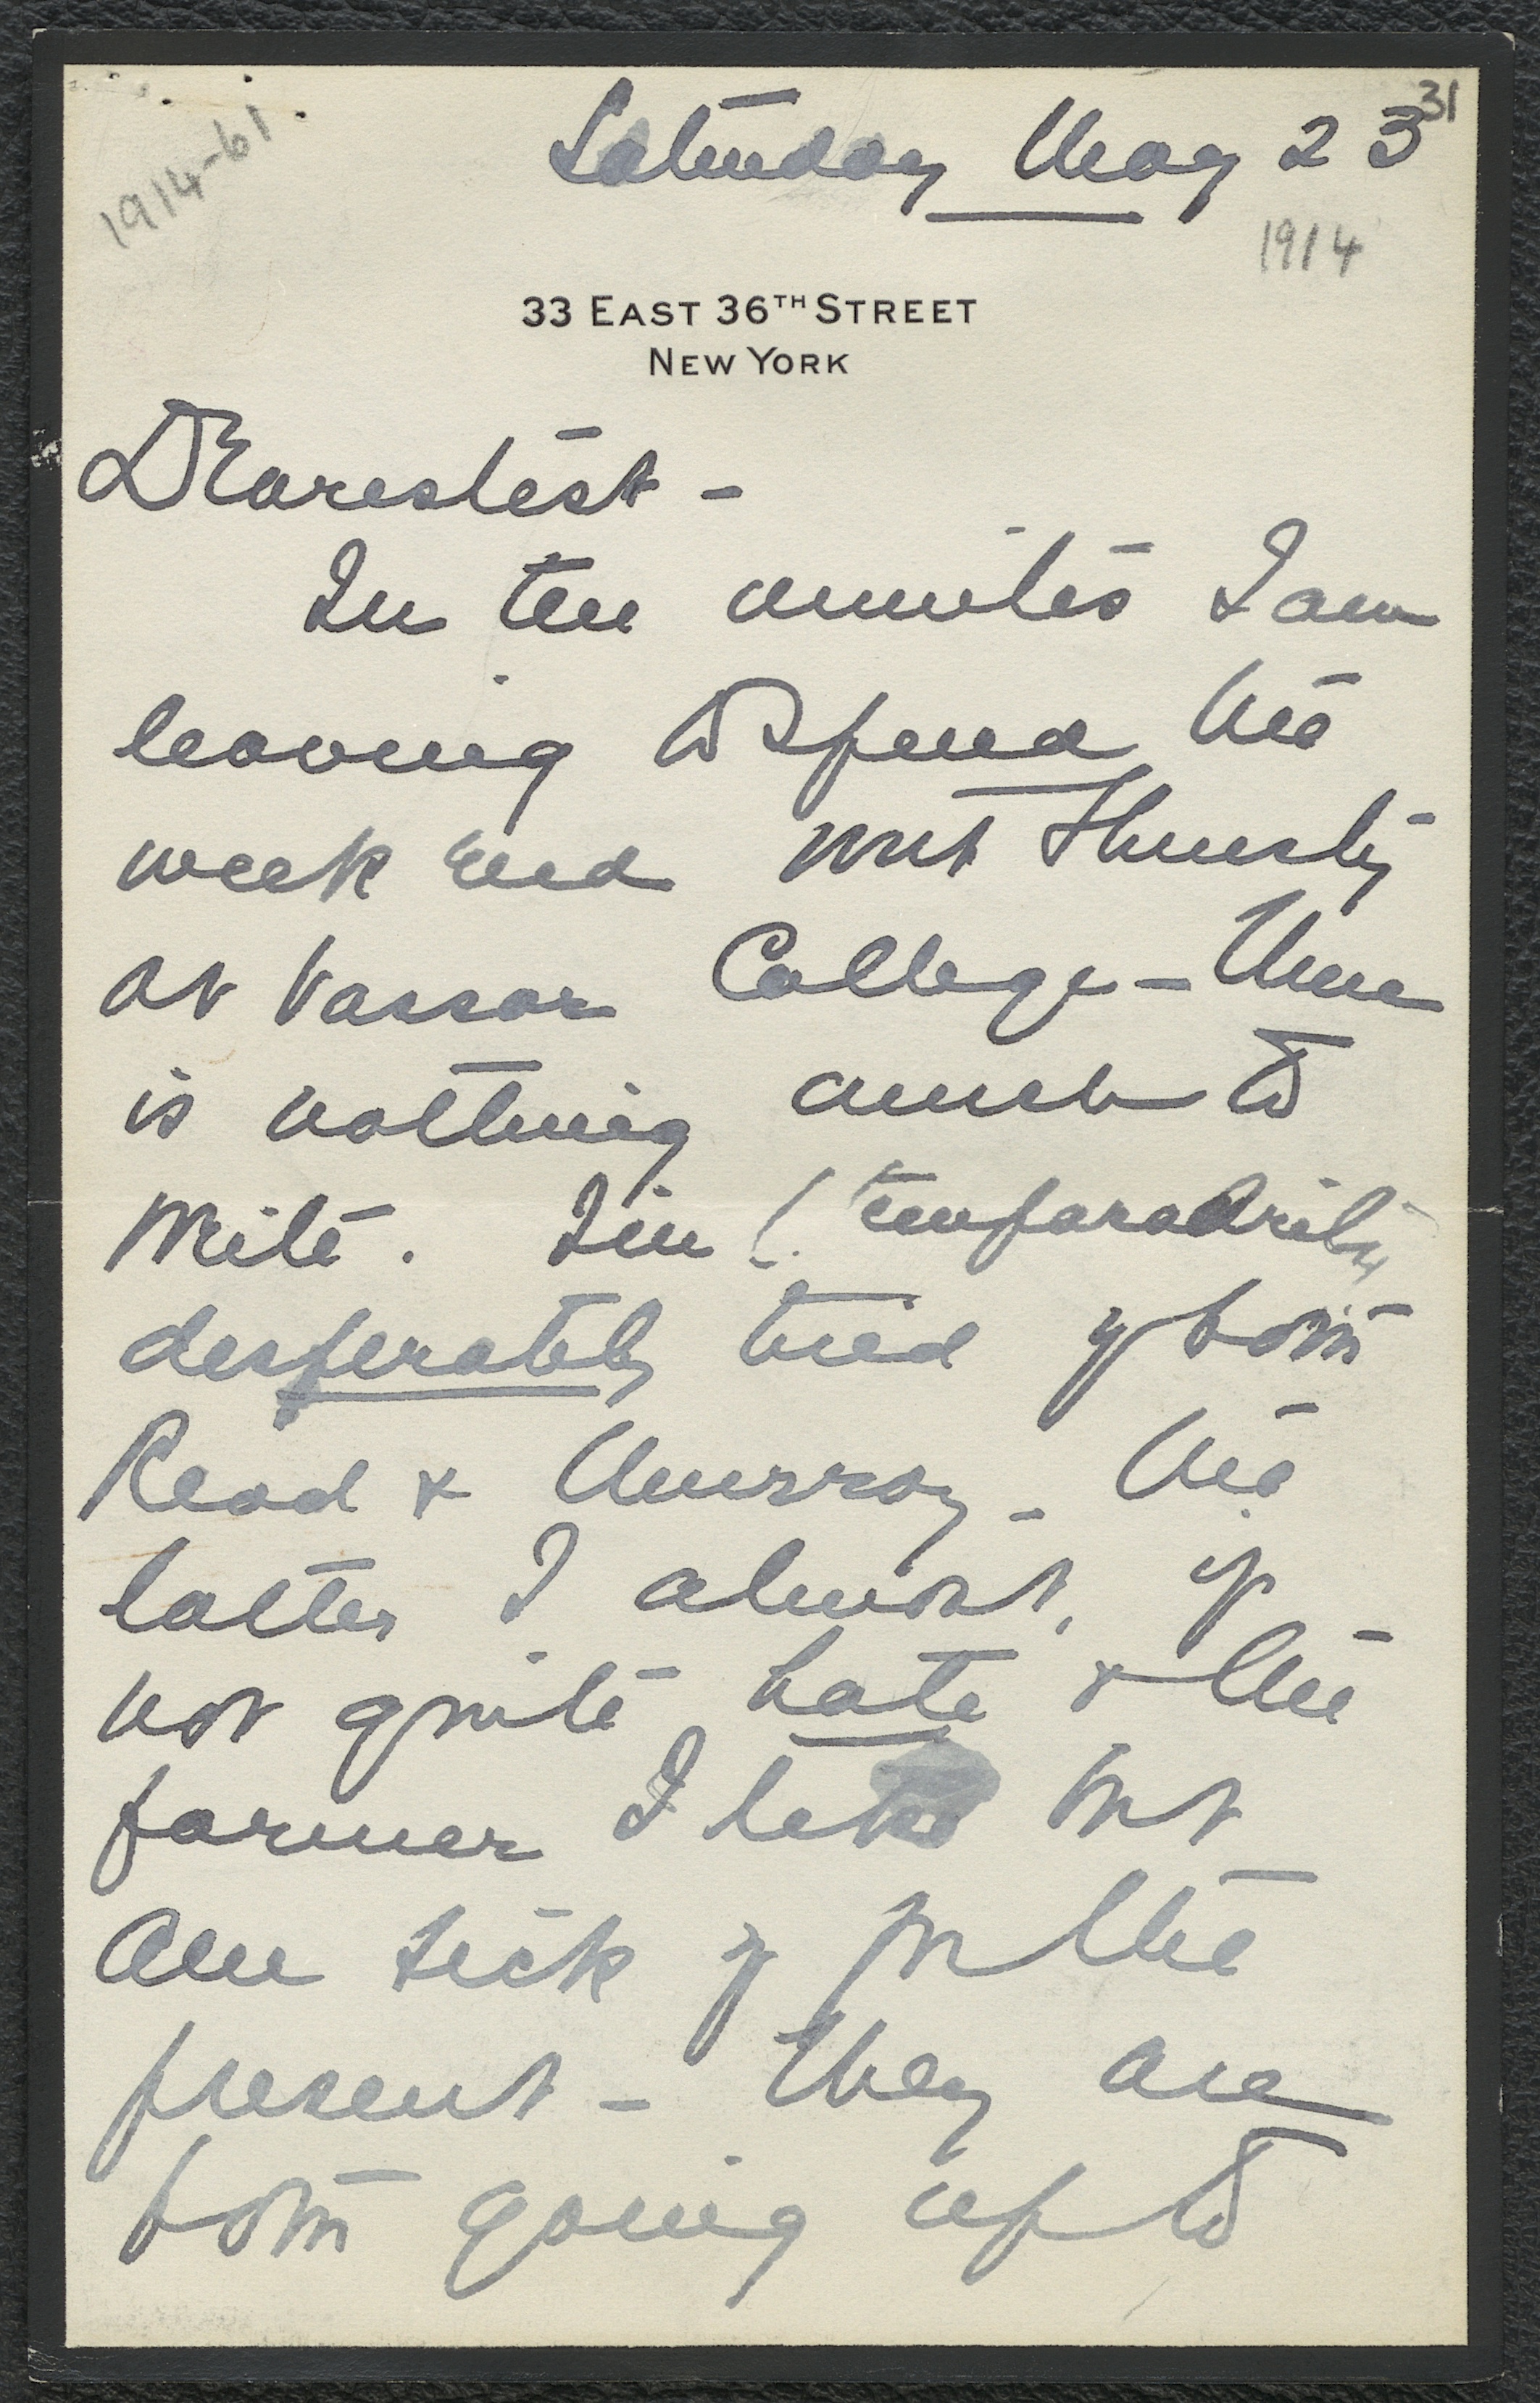Saturday May 23
Dearest –
In ten minutes I am leaving to spend the week end with Thursty at Vassar College – There is nothing much to write. I’m (temporarily) desperately tired of both Read & Murray – The latter I almost, if not quite hate & the former I like but am sick of for the present – they are both going up to